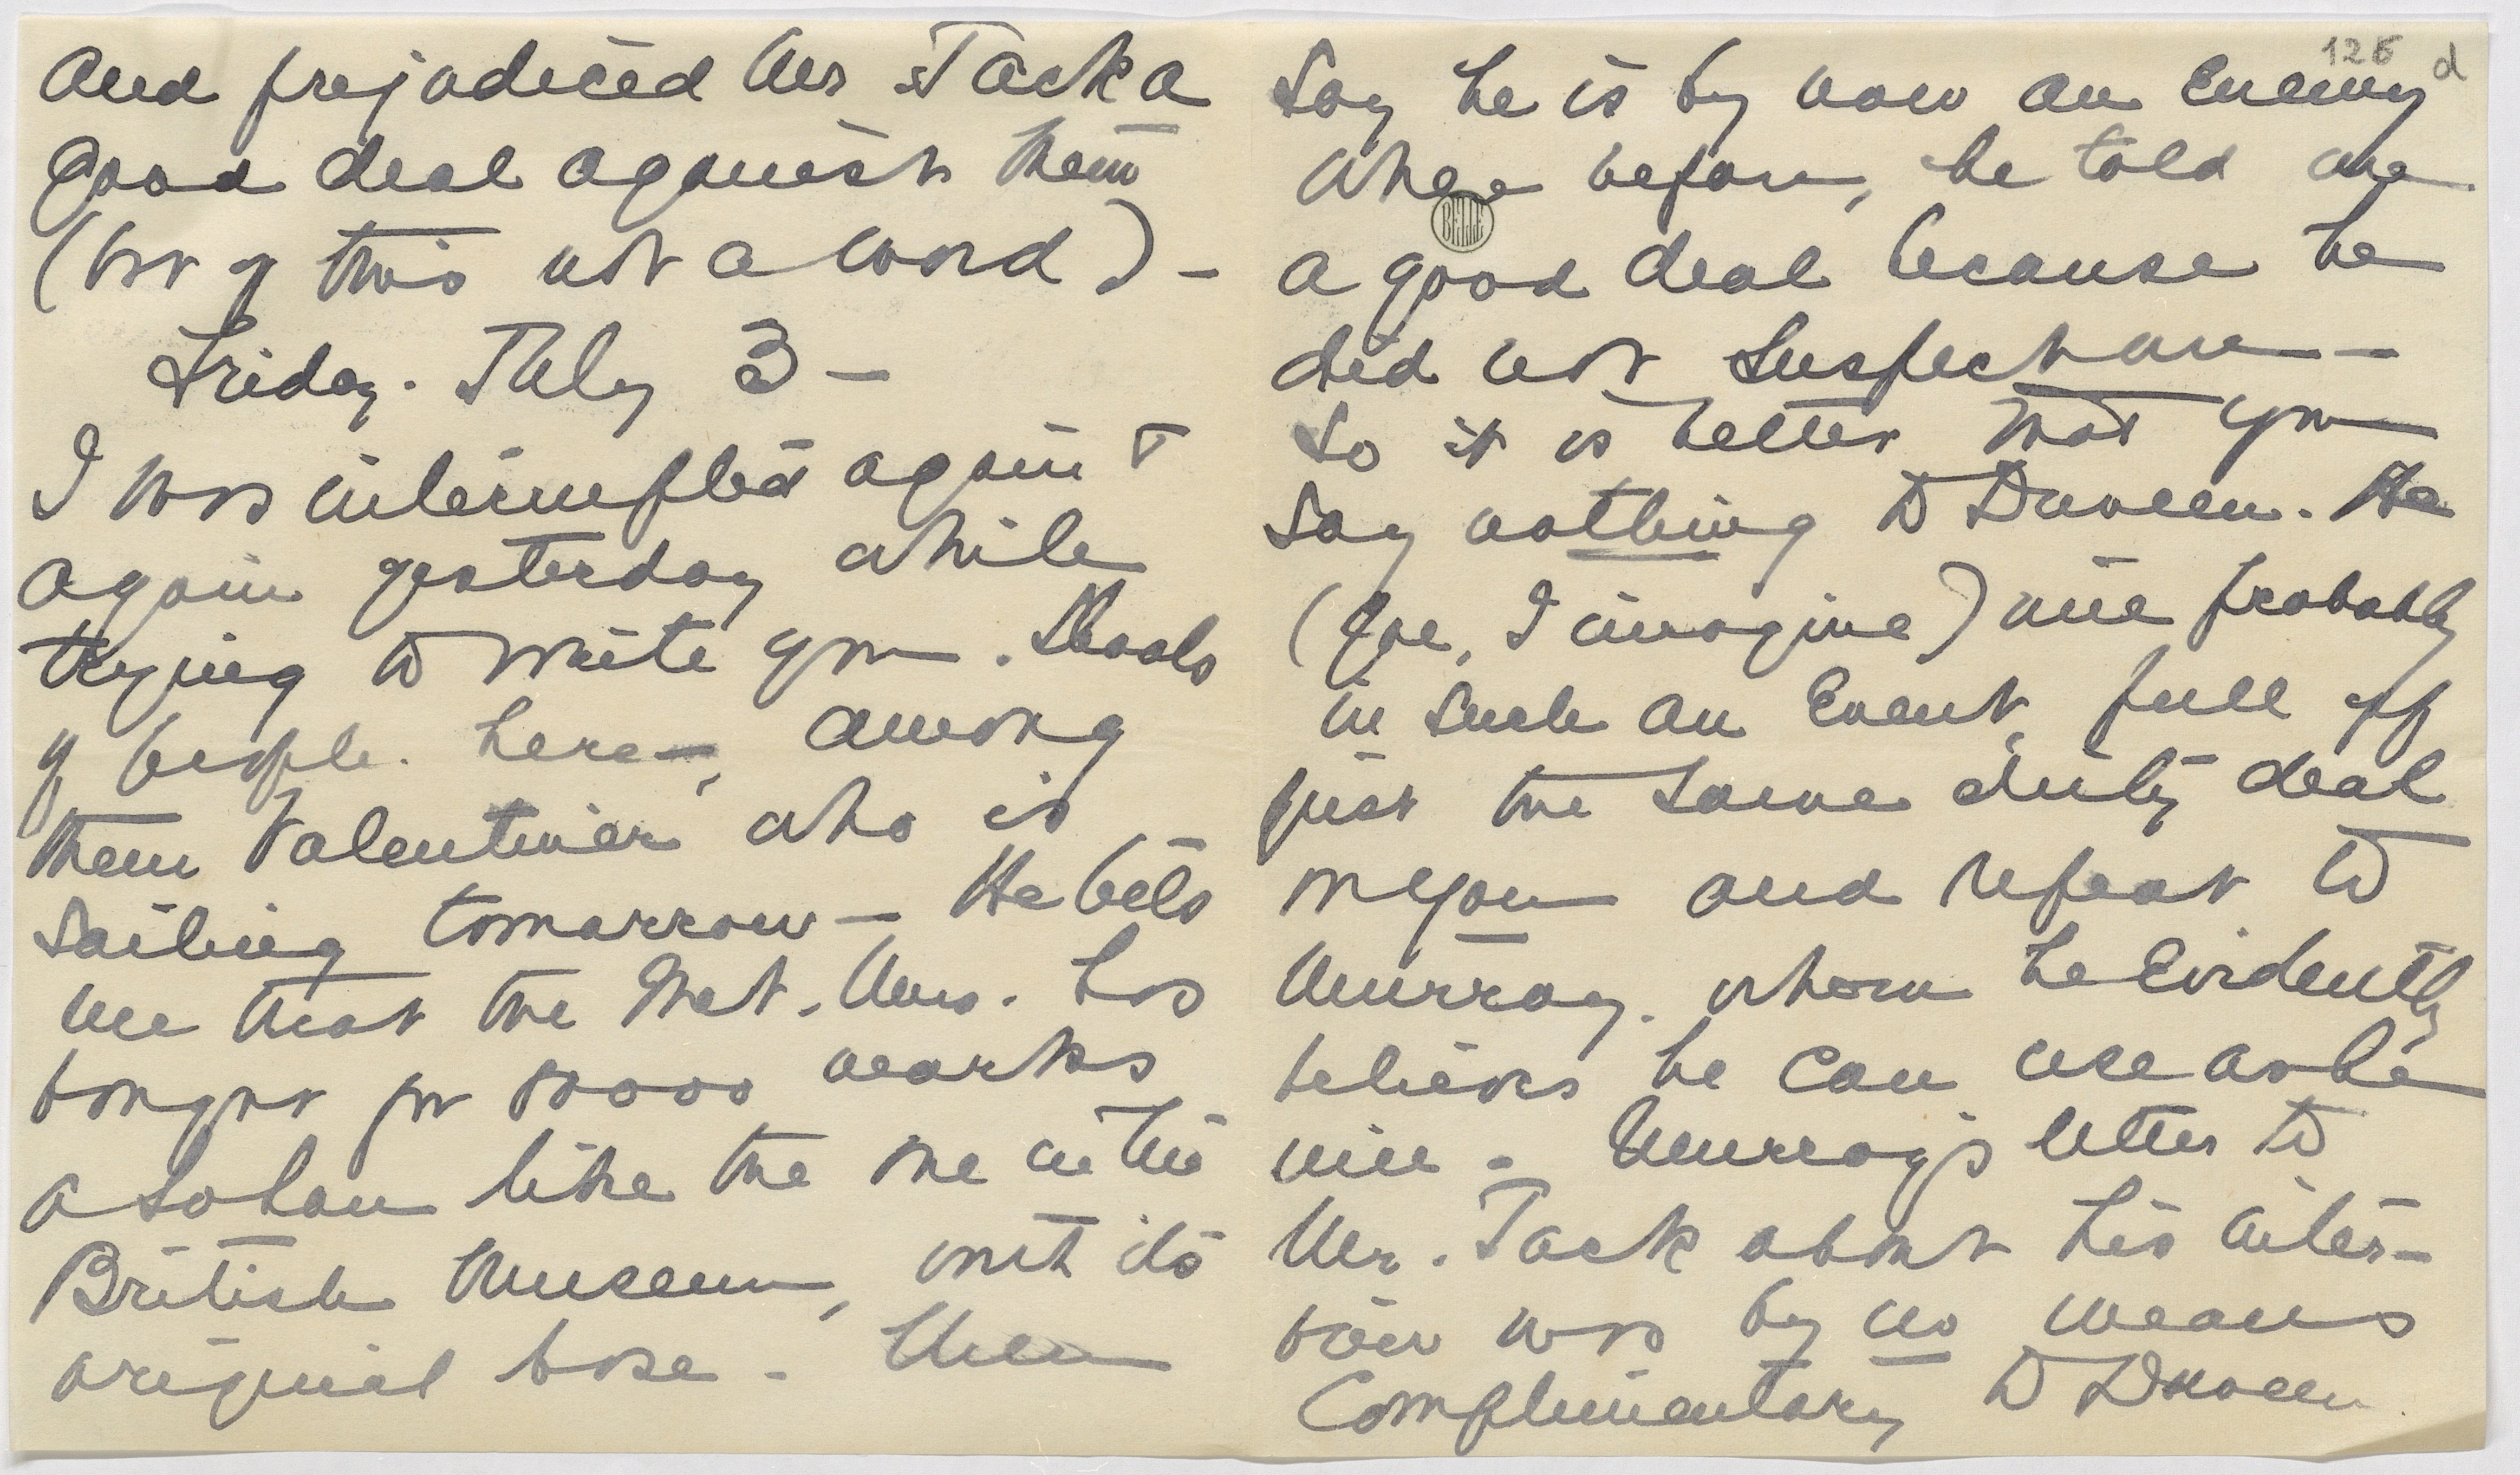say he is by now an enemy where before, he told me a good deal because he did not suspect me – so it is better that you say anything to Duveen. He (Joe, I imagine) will probably in such an event pull off just the same duty deal on you and repeat to Murray. whom he evidently believes he can use as he will – Murray’s letter to Mr. Jack about his interview was by no means complimentary to Duveen
and prejudiced Mr. Jack a good deal against them (but of this not a word) –
Friday, July 3 –
I was interrupted again & again yesterday while trying to write you. Shoals of people here – among them Valentiner who is sailing tomorrow – He tells me that the Met Mus. has bought for 80000 marks a Lohan like the one in the British museum, with its original base – Then